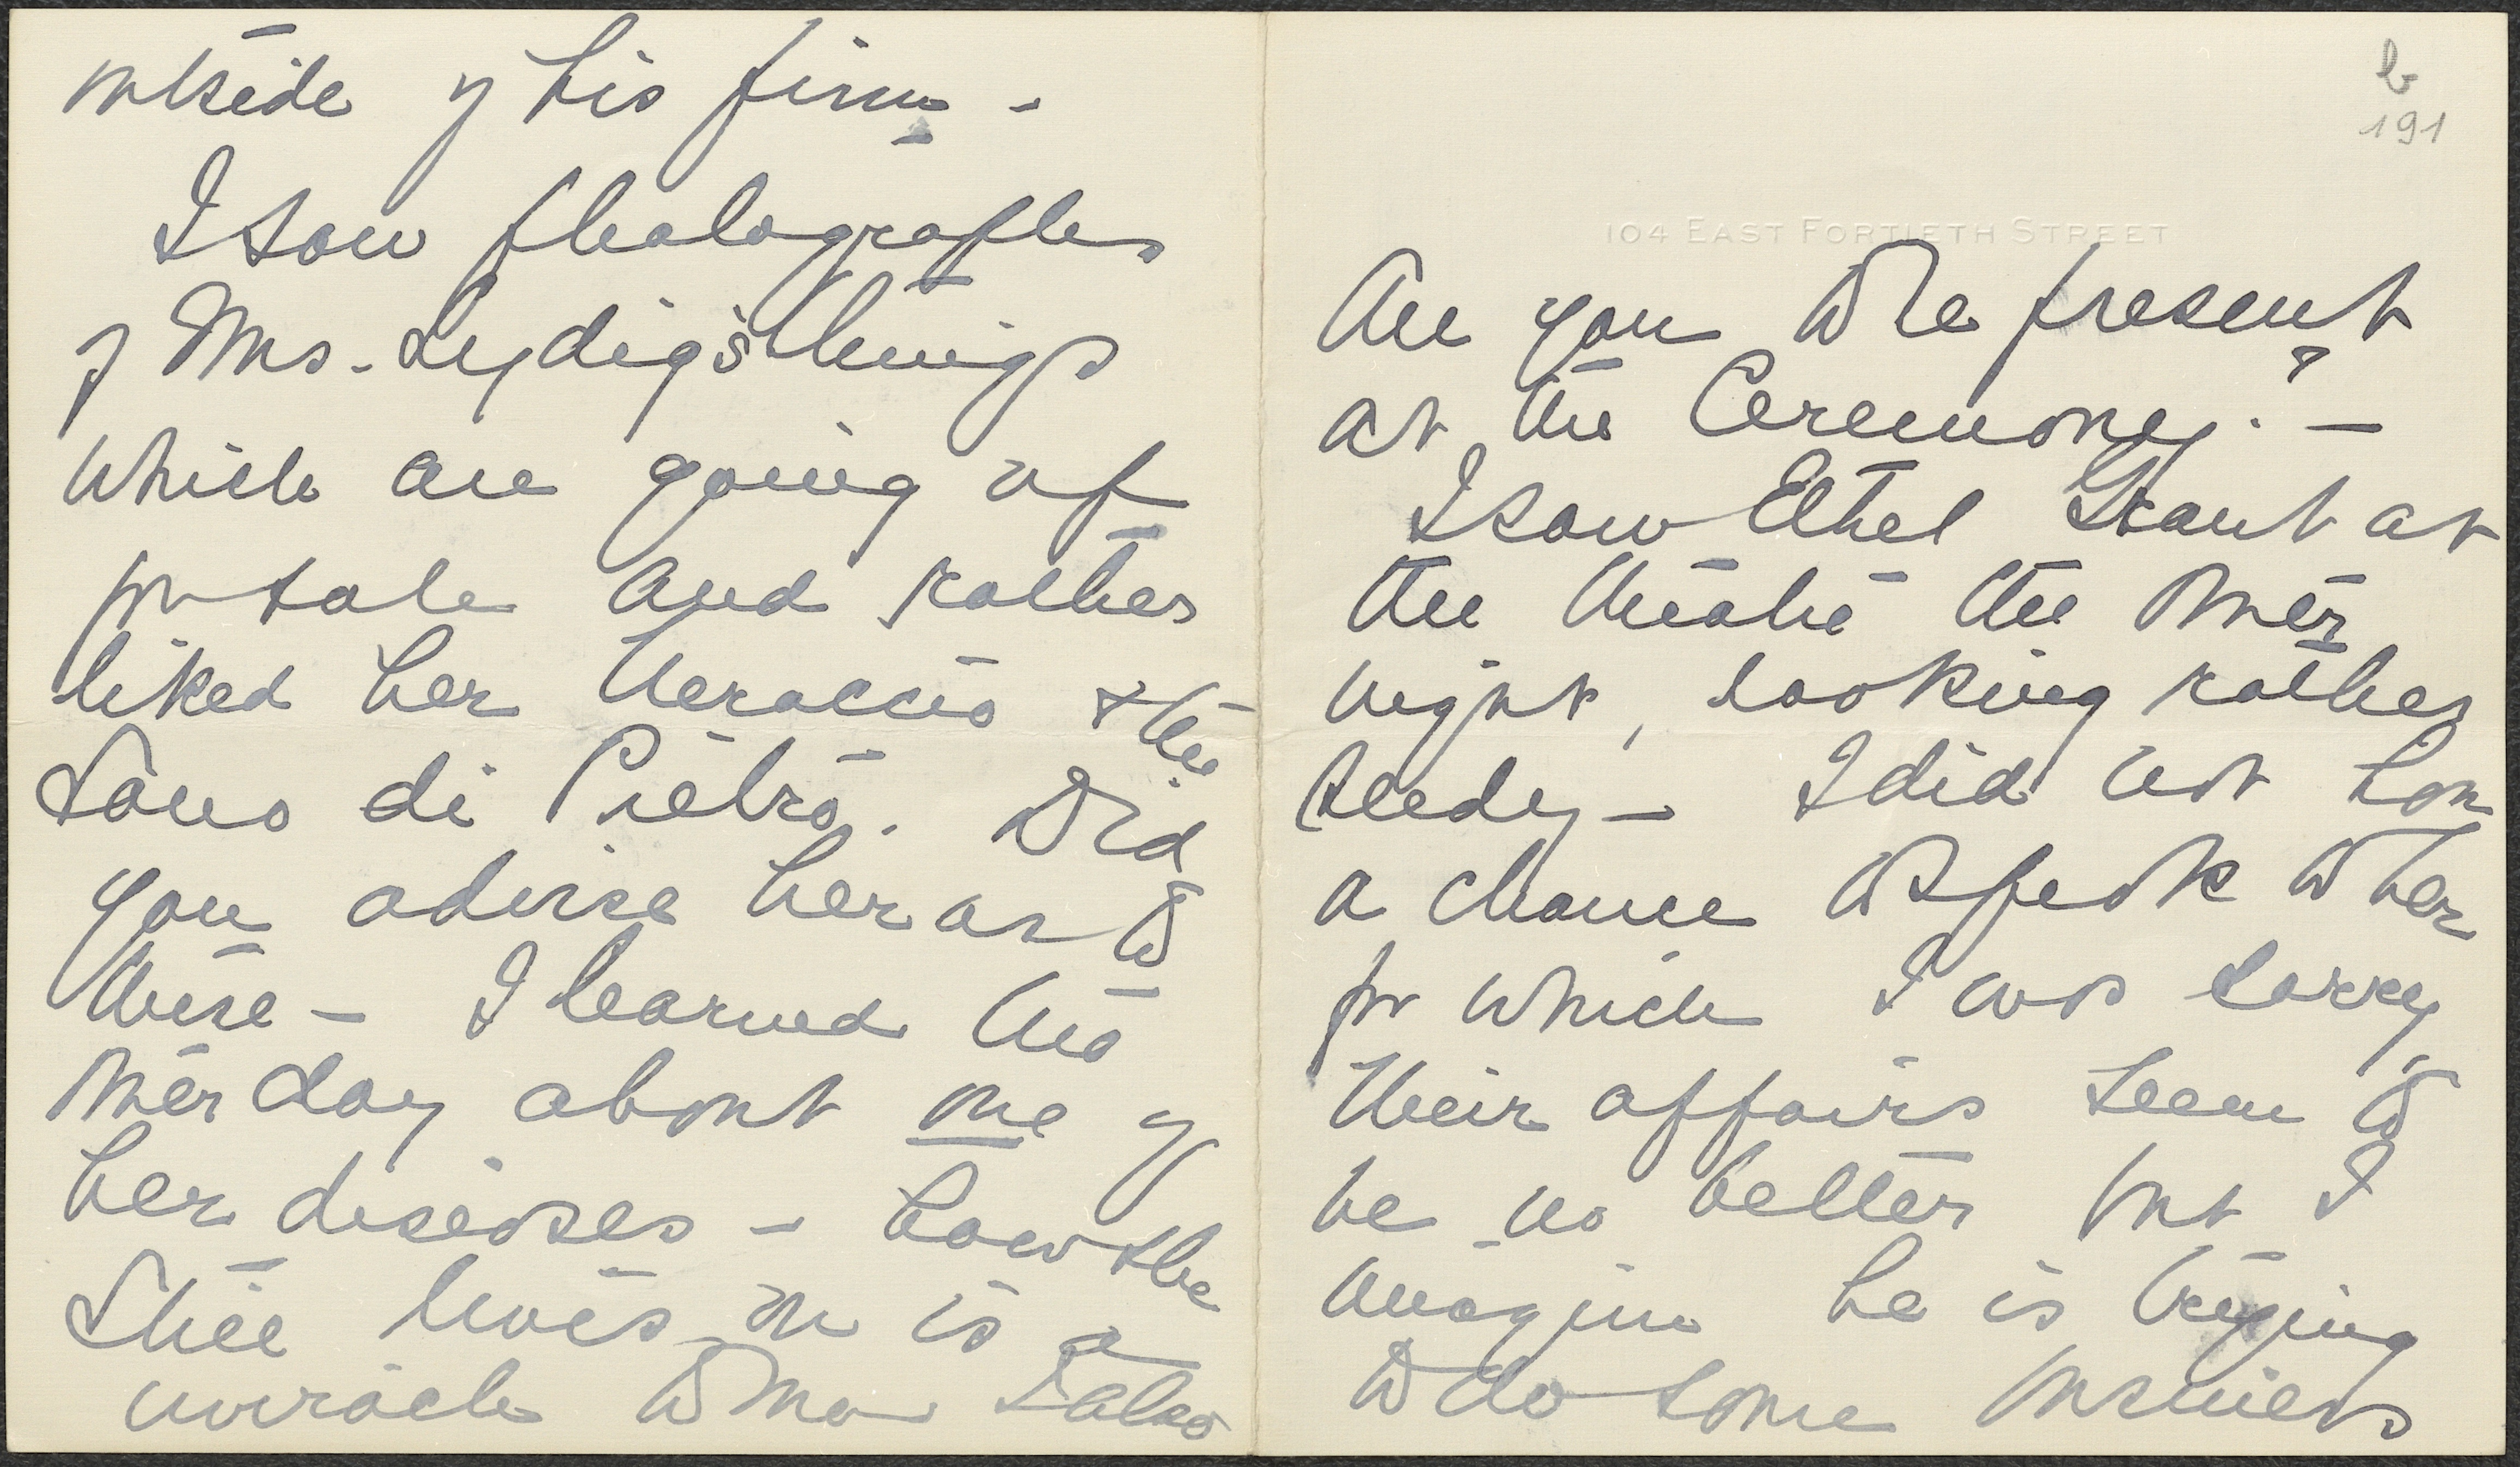Are you to be present at the ceremony? – I saw Ethel Grant at the theatre the other night, looking rather seedy – I did not have a chance to speak to her for which I was sorry their affairs seem to be no better but I imagine he is trying to do some business
outside of his firm –
I saw photographs of Mrs. Lydig’s things which are going up for sale and rather liked her Veroccio [sic] & the Sano di Pietro. Did you advise her as to these – I learned the other day about one of her diseases – how she still lives on is a miracle to me also